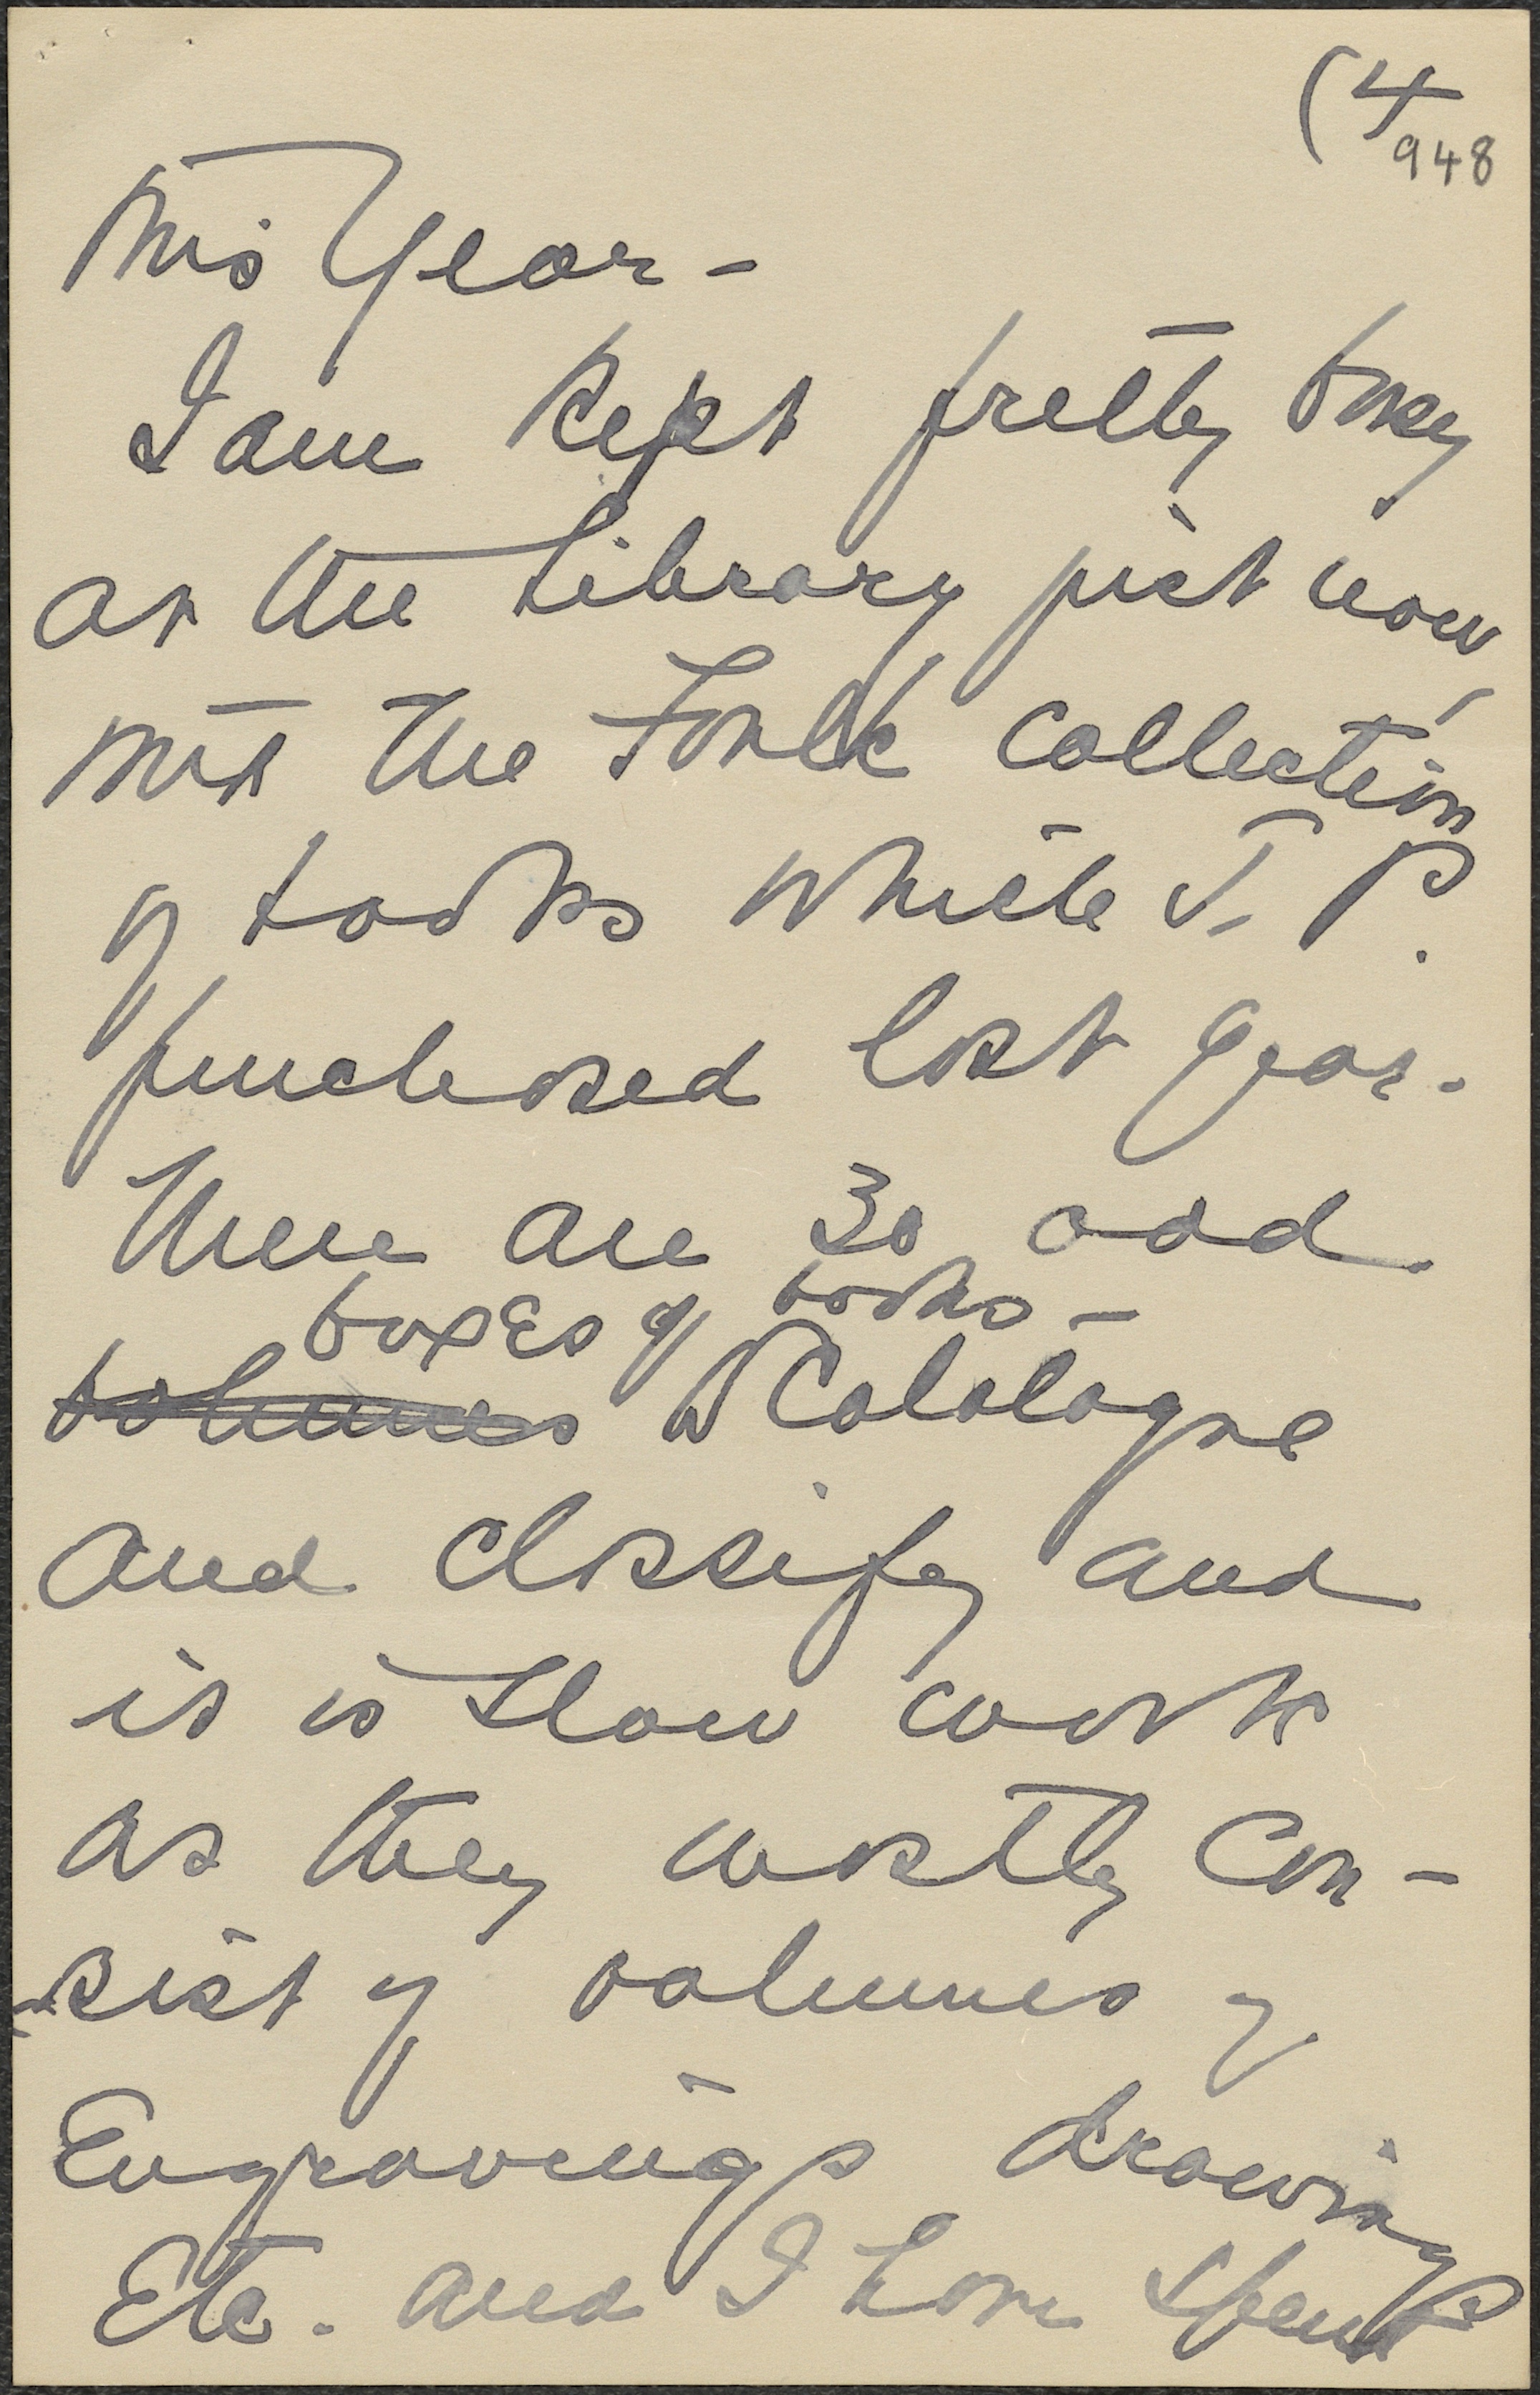(4
this year –
I am kept pretty busy at the Library just now, with the Faulk collection of books which J. P. purchased last year –
There are 30 odd volumes [^boxes of books –^] to catalogue and classify and it is slow work as they mostly consist of volumes of engravings, drawings etc. and I have spent